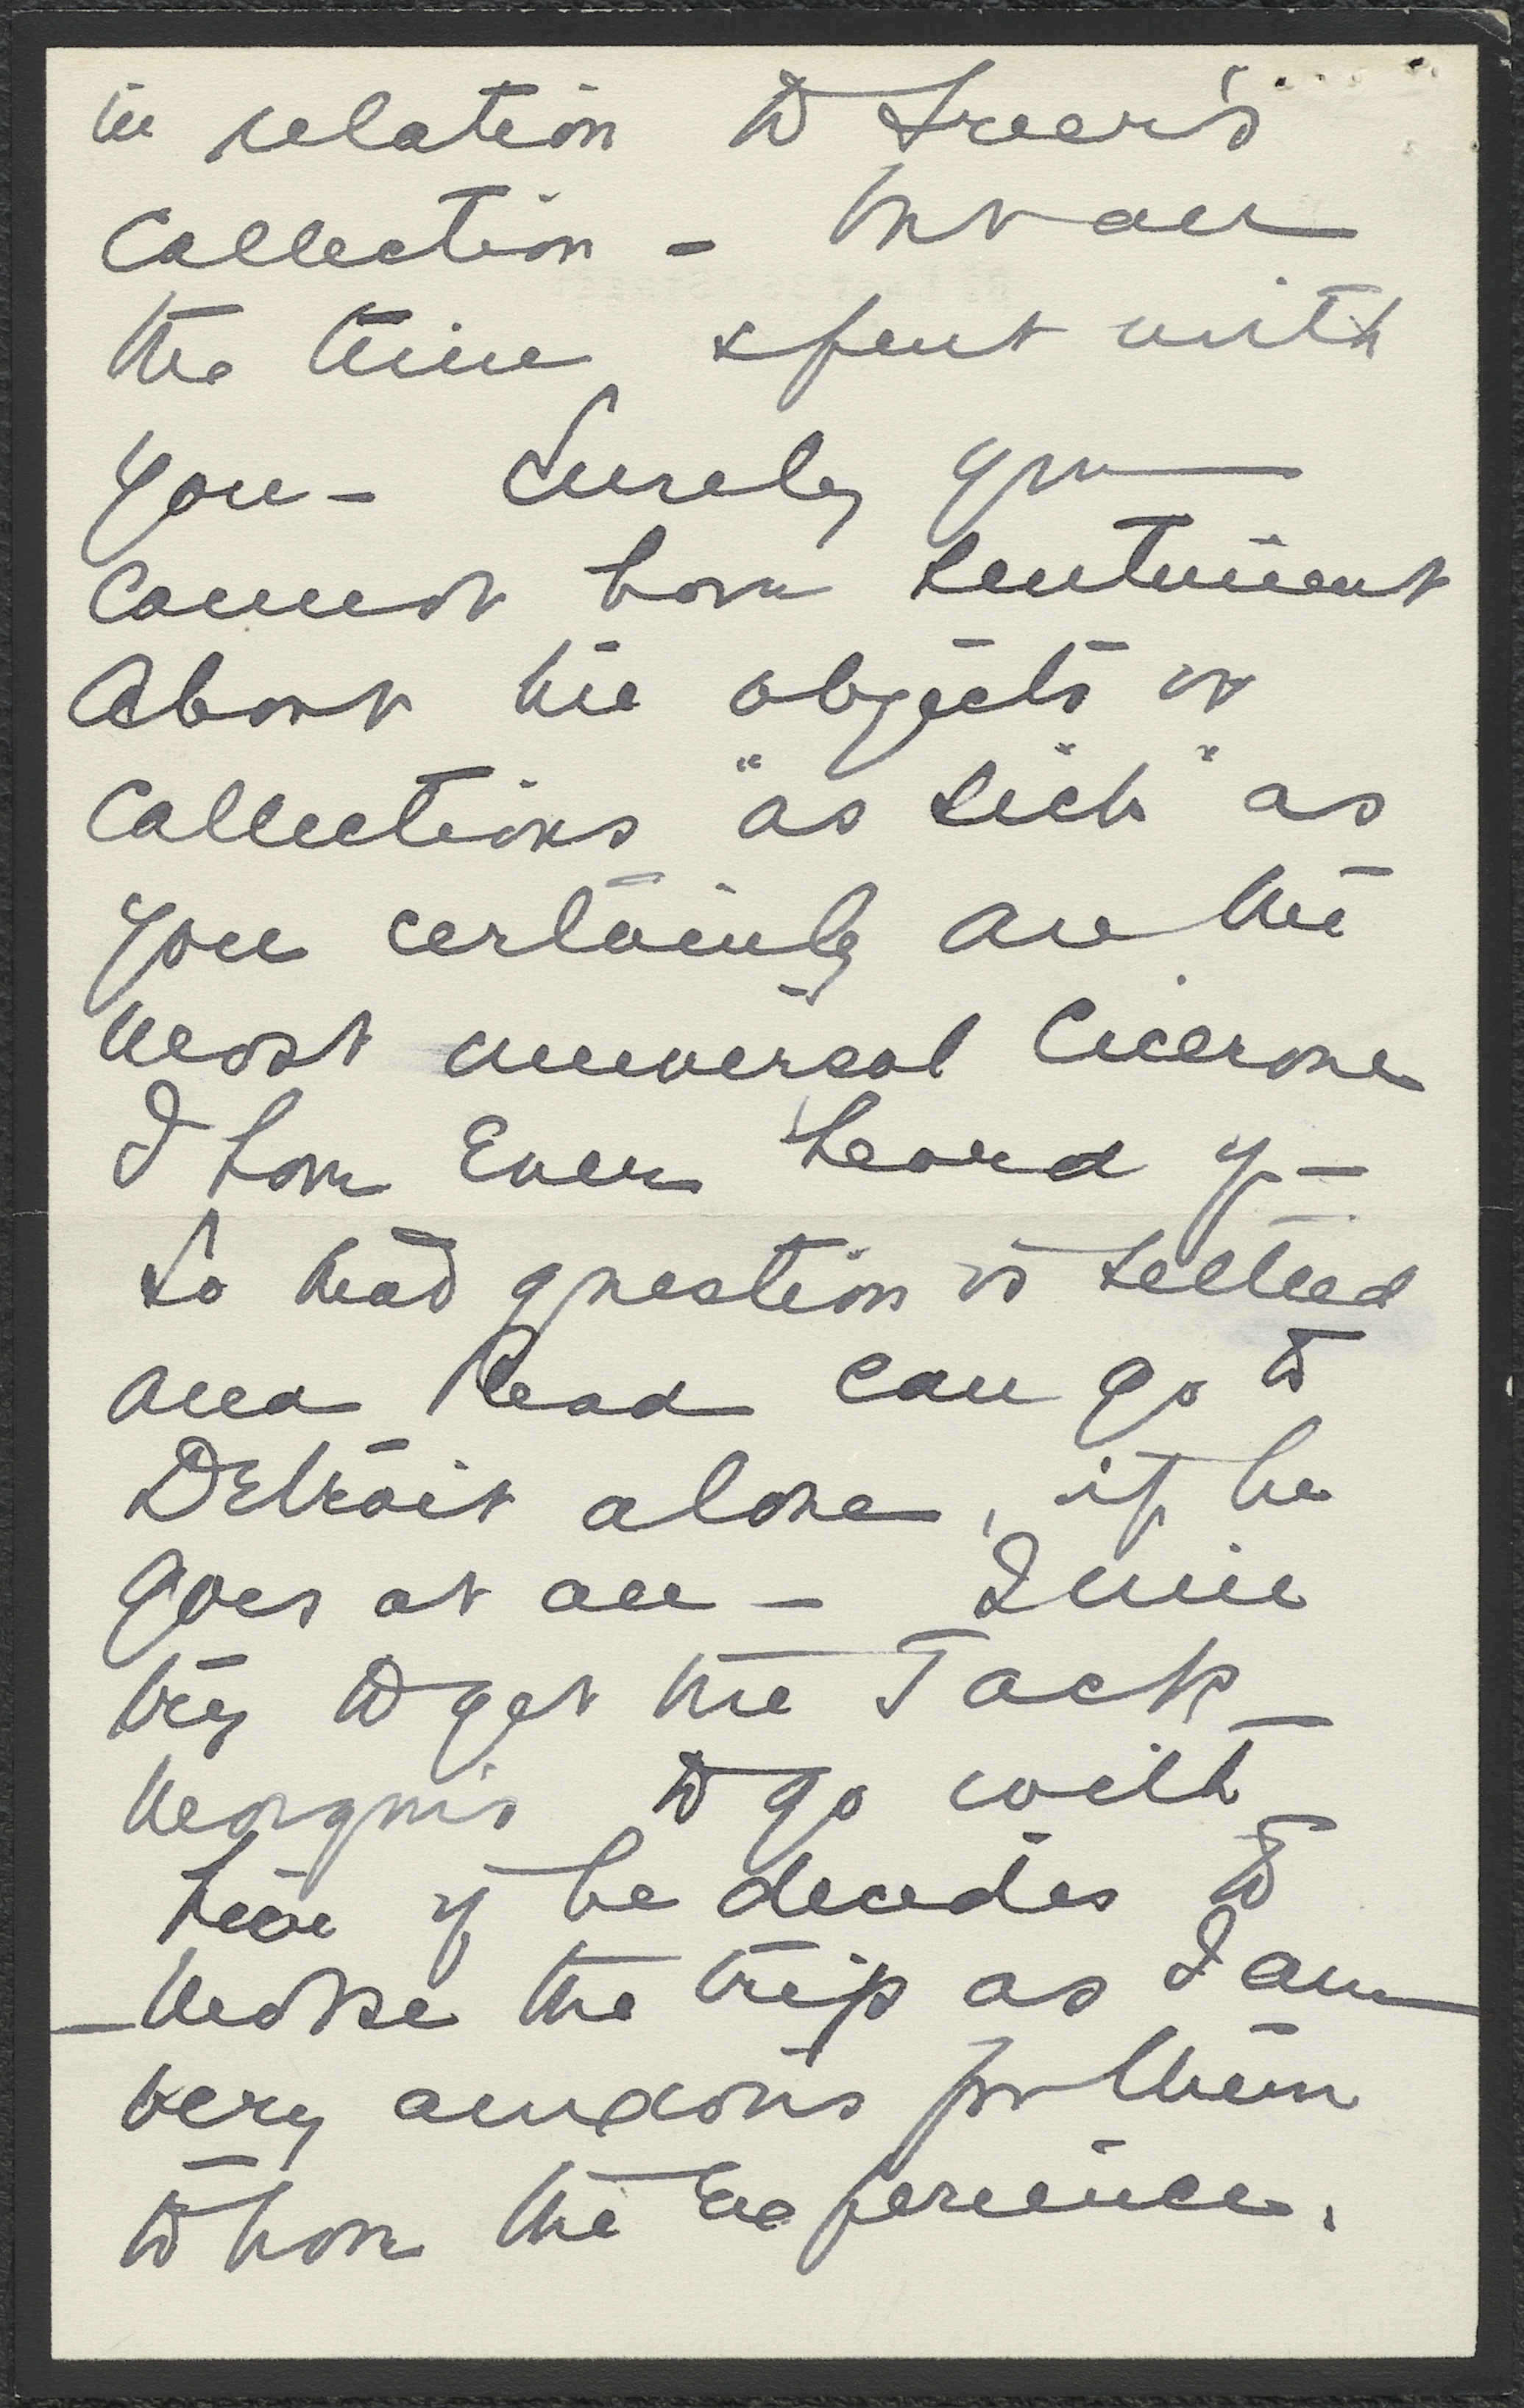in relation to Freer’s collection – but all the time spent with you – Surely you cannot have sentiment about the objects or collections “as such” as you certainly are the most universal Cicerone I have ever heard of – So that question is settled and Read can go to Detroit alone, if he goes at all – I will try to get the Jack Morgan’s to go with him if he decides to make the trip as I am very anxious for them to have the experience.